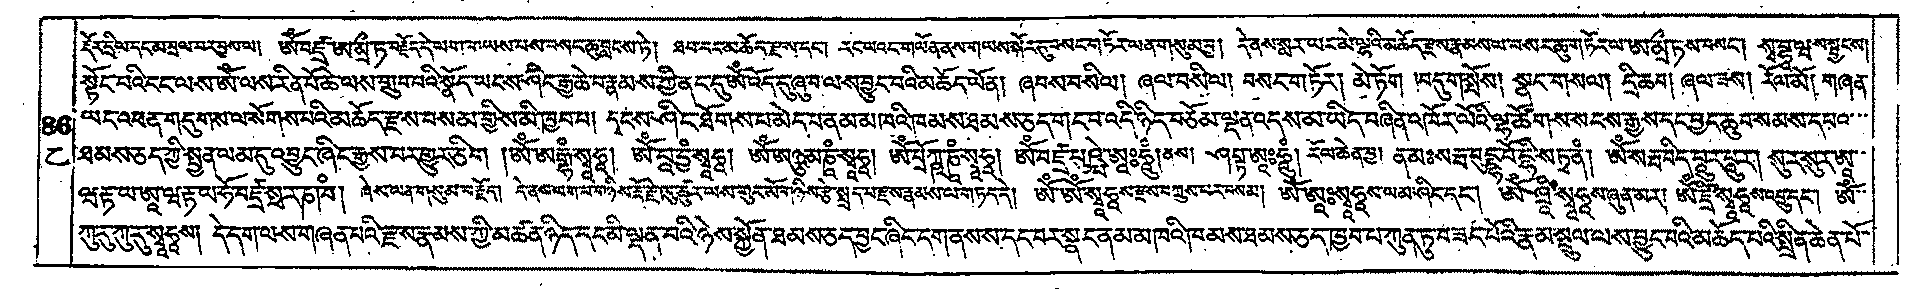རྡོར་དྲིལ་དང་མ་བྲལ་བར་བྱས་ལ། ཨོཾ་བཛྲ་ཨམྲྀ་ཏ་བརྗོད་དེ་ལག་གཡས་པས་བསང་ཆུ་བླངས་ཏེ། ཐབ་དང་མཆོད་རྫས་དང་། རང་ལའང་གཡོན་ནས་གཡས་སྐོར་དུ་བསང་གཏོར་ལན་གསུམ་བྱ། དེ་ནས་སླར་ཡང་མེ་ལྷའི་མཆོད་རྫས་རྣམས་ལ་བསང་ཆུ་གཏོར་ལ་ཨམྲྀ་ཏས་བསང་། སྭ་བྷཱ་ཝས་སྦྱངས།
སྟོང་པའི་ངང་ལས་ཨོཾ་ལས་རིན་པོ་ཆེ་ལས་གྲུབ་པའི་སྣོད་ཡངས་ཤིང་རྒྱ་ཆེ་བ་རྣམས་ཀྱི་ནང་དུ་ཨོཾ་འོད་དུ་ཞུ་བ་ལས་བྱུང་བའི་མཆོད་ཡོན། ཞབས་བསིལ། ཞལ་བསིལ། བསང་གཏོར། མེ་ཏོག །བདུག་སྤོས། སྣང་གསལ། དྲི་ཆབ། ཞལ་ཟས། རོལ་མོ། གཞན་
ཡང་འཕན་གདུགས་ལ་སོགས་པའི་མཆོད་རྫས་བསམ་གྱིས་མི་ཁྱབ་པ། དྭངས་ཤིང་ཐོགས་པ་མེད་པ་ནམ་མཁའི་ཁམས་ཐམས་ཅད་གང་བ་འདི་ཉིད་བཅོམ་ལྡན་འདས་མ་ཡིད་བཞིན་འཁོར་ལོའི་ལྷ་ཚོགས་སངས་རྒྱས་དང་བྱང་ཆུབ་སེམས་དཔའ་་་
ཐམས་ཅད་ཀྱི་སྤྱན་ལམ་དུ་འབྱུང་ཞིང་རྒྱས་པར་གྱུར་ཅིག །ཨོཾ་ཨརྒྷཾ་སྭཱཧཱ། ཨོཾ་པཱ་དྱཾ་སྭཱཧཱ། ཨོཾ་ཨཉྩ་མ་ཎཱཾ་སྭཱཧཱ། ཨོཾ་པྲོ་ཀྵ་ཎཱཾ་སྭཱཧཱ། ཨོཾ་བཛྲ་པུཥྤེ་ཨཱཿཧཱུཾ། །ནས།  ཤཔྟ་ཨཱཿཧཱུཾ། རོལ་ཆེན་བྱ།  ན་མཿསརྦ་བུདྡྷ་བོ་དྷི་སཏྭ་ནཾ། ཨོཾ་སརྦ་བིད་པཱུ་ར་པཱུ་ར། སུ་ར་སུ་ར་ཨཱ་་་
ཝརྟ་ཡ་ཨཱ་ཝརྟ་ཡ་ཧོ་བཛྲ་སྥ་ར་ཎ་ཁཾ། ཞེས་ལན་གསུམ་བརྗོད། དེ་ནས་ལག་པ་གཉིས་རྡོ་རྗེ་ཁུ་ཚུར་ལས་གུང་མོ་གཉིས་རྩེ་སྤྲད་པ་རྫས་རྣམས་ལ་གཏང་དེ།  ཨོཾ་ཨོཾ་སྭཱཧའས་རྫས་བཀྲུས་པར་བསམ།  ཨོཾ་ཨཱཿསྭཱཧཱས་ཡམ་ཤིང་དང་།  ཨོཾ་ཤྲཱིཾ་སྭཱཧཱས་ཞུན་མར།  ཨོཾ་ཛྲིཾ་སྭཱཧཱས་འབྲུ་དང་།  ཨོཾ་་་
ཀུ་རུ་ཀུ་རུ་སྭཱཧཱས། དེ་དག་ལས་གཞན་པའི་རྫས་རྣམ་ཀྱི་མཚན་ཉིད་དང་མི་ལྡན་པའི་ཉེས་སྐྱོན་ཐམས་ཅད་བྱང་ཞིང་དག་ནས་ས་དང་བར་སྣང་ནམ་མཁའི་ཁམས་ཐམས་ཅད་ཁྱབ་པ་ཀུན་ཏུ་བཟང་པོའི་རྣམ་སྤྲུལ་ལས་བྱུང་བའི་མཆོད་པའི་སྤྲིན་ཆེན་པོ་་་